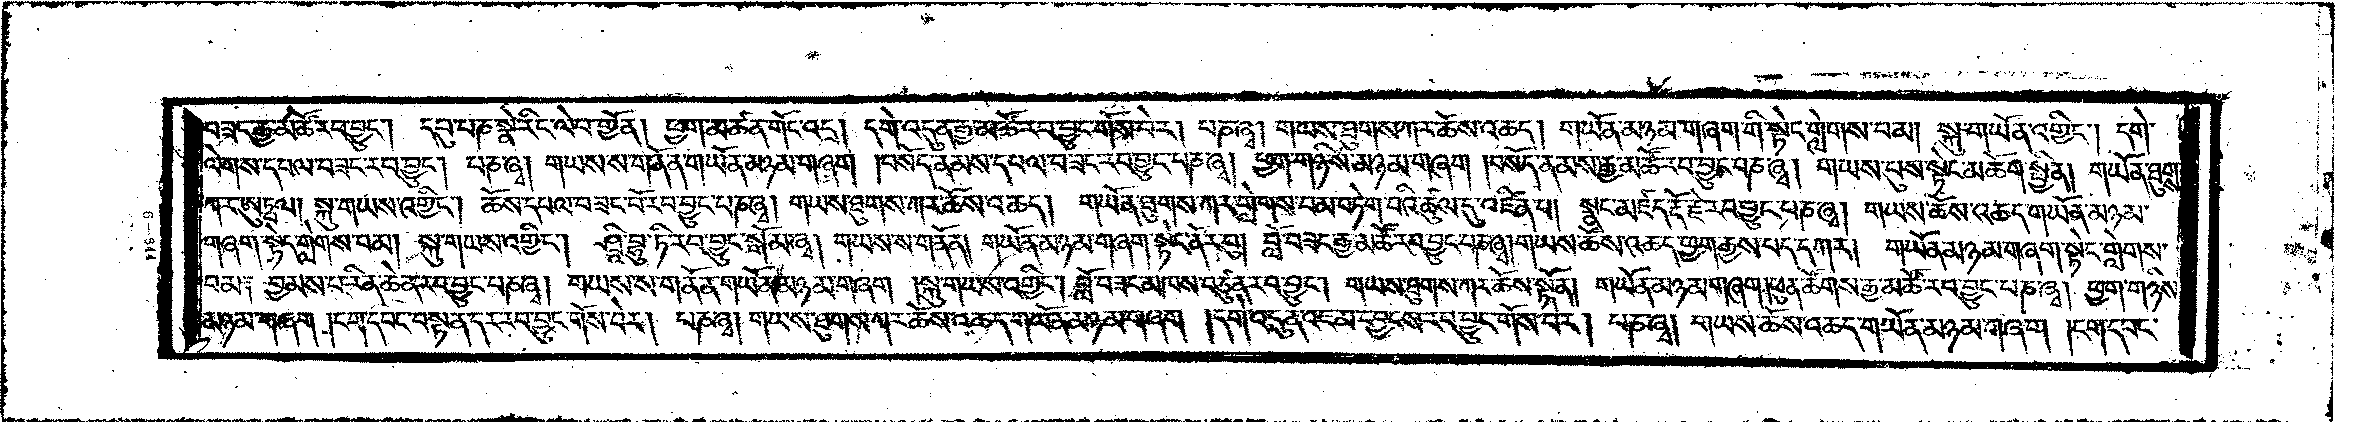བཟང་རྒྱ་མཚོ་རབ་བྱུང་། དབུ་པཎ་སྣེ་རིང་ལེབ་གྱོན། ཕྱག་མཚན་གོང་འདྲ། དགེ་འདུན་རྒྱ་མཚོ་རབ་བྱུང་གོས་བེར། པཎ་ཞྭ། གཡས་ཐུགས་ཀར་ཆོས་འཆད། གཡོན་མཉམ་གཞག་གི་སྟེང་གླེགས་བམ། སྐུ་གཡོན་འགྱིང་། དགེ་
ལེགས་དཔལ་བཟང་རབ་བྱུང་། པཎ་ཞྭ། གཡས་ས་གནོན་གཡོན་མཉམ་གཞག །བསོད་ནམས་དཔལ་བཟང་རབ་བྱུང་པཎ་ཞྭ། ཕྱག་གཉིས་མཉམ་གཞག །བསོད་ནམས་རྒྱ་མཚོ་རབ་བྱུང་བཎ་ཞྭ། གཡས་པུས་སྟེང་མཆོག་སྤྱིན། གཡོན་ཐུགས་
ཀར་ཨུཏྤལ། སྐུ་གཡས་འགྱིང་། ཆོས་དཔལ་བཟང་པོ་རབ་བྱུང་པཎ་ཞྭ། གཡས་ཐུགས་ཀར་ཆོས་འཆད། གཡོན་ཐུགས་ཀར་གླེགས་བམ་བཏེག་བའི་ཚུལ་དུ་འཛིན་པ། སྣང་མཛད་རྡོ་རྗེ་རབ་བྱུང་པཎ་ཞྭ། གཡས་ཆོས་འཆད་གཡོན་མཉམ་
གཞག་སྟེད་གླེགས་བམ། སྐུ་གཡས་འགྱིང་། ཤྲཱི་བྷུ་ཏི་རབ་བྱུང་སྒོམ་ཞྭ། གཡས་ས་གནོན། གཡོན་མཉམ་གཞག་སྟེང་ནོར་བུ། བློ་བཟང་རྒྱ་མཚོ་རབ་བྱུང་པཎ་ཞྭ། གཡས་ཚོས་འཆད་ཕྱག་རྒྱས་པད་དཀར། གཡོན་མཉམ་གཞག་སྟེང་གླེགས་
བམ༑ བྱམས་པ་རིན་ཆེན་རབ་བྱུང་པཎ་ཞྭ། གཡས་ས་གནོན་གཡོན་མཉམ་གཞག །སྐུ་གཡས་འགྱིང་། བློ་བཟང་མཁས་བཙུན་རབ་བྱུང་། གཡས་ཐུགས་ཀར་ཆོས་སྟོན། གཡོན་མཉམ་གཞག །ཕུན་ཚོགས་རྒྱ་མཚོ་རབ་བྱུང་པཎ་ཞྭ། ཕྱག་གཉིས་
མཉམ་གཞག །ངག་དབང་བསྟན་དར་རབ་བྱུང་གོས་བེར། པཎ་ཞྭ། གཡས་ཐུགས་ཀར་ཆོས་འཆད་གཡོན་མཉམ་གཞག །དགེ་འདུན་འཇམ་དབྱངས་རབ་བྱུང་གོས་བར། པཎ་ཞྭ། གཡས་ཆོས་འཆད་གཡོན་མཉམ་གཞག །ངག་དབང་